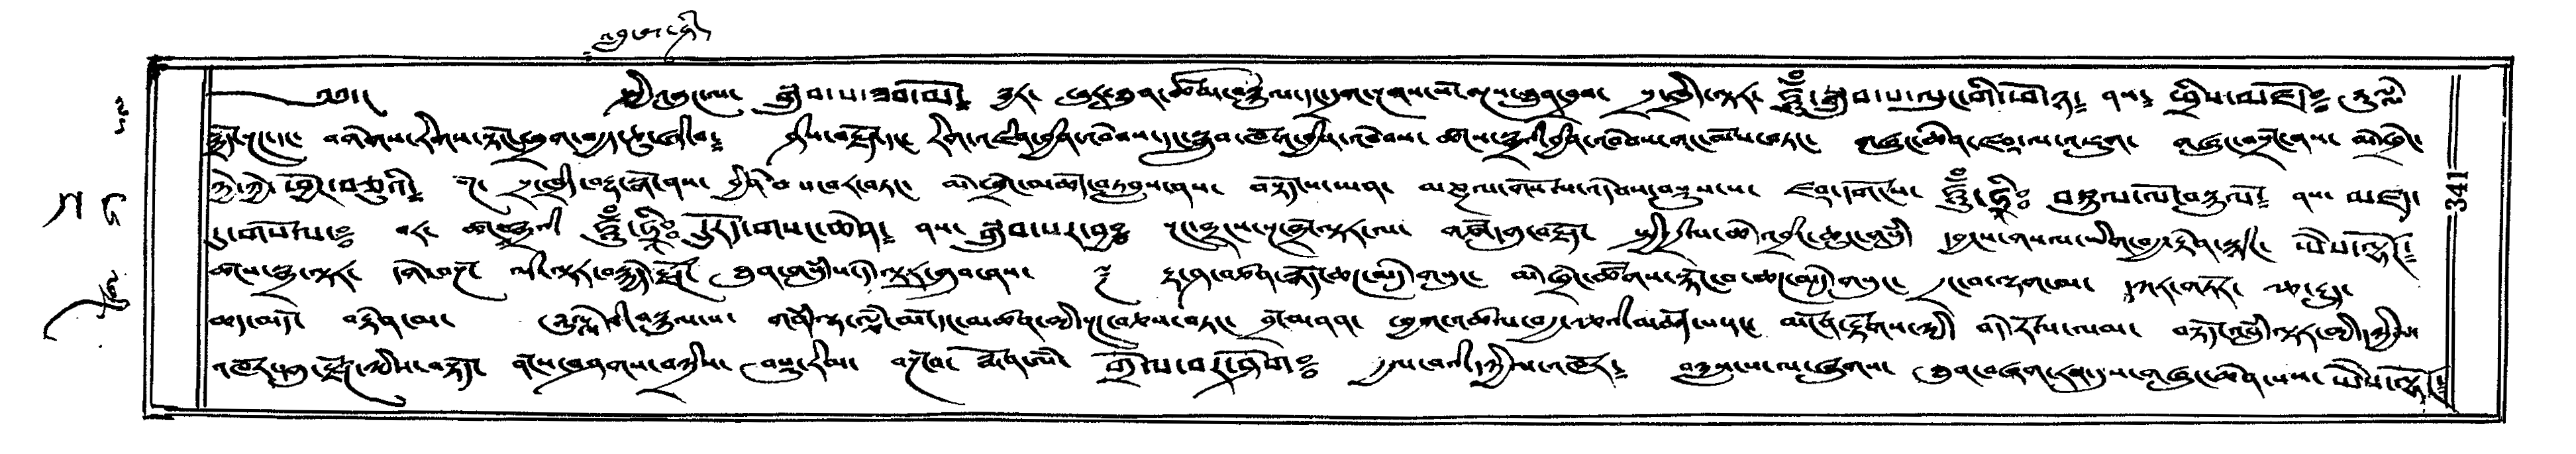སྤྱི་འགུགས་ལ། སྒྲུབ་པ་ཟབ་མོ༴ སྦྱར། ཕུར་ཐུན་མཚམས་བསྐུལ་དང་དྲག་སྔགས་སོ་ལྔས་ཐུན་བྲབ། པྲ་ཁྲིད་ལྟར། ཧཱུྃ༔ སྒྲུབ་པ་ལུང་གི་ཕོ་ཉ༴ ནས༴ ཕྲིན་ལས་མཛོད༔ ཉུལླེ་
སྐྲོད་སྔགས་དང་། བགེགས་རིགས་སྟོང་ཕྲག་བརྒྱད་ཅུ་ཞི་བ་དང་། སོགས་ཤིས་བརྗོད་དང་། རིག་འཛིན་བྱིན་འབེབས་དང་སྒྲུབ་ཁོག་བྱིན་འབེབས། ཚངས་སྒྲའི་བྱིན་འབེབས་གང་མོས་བཏང་། གཞུང་ཆེན་ཛཔྲ་ལ་འཇུག གཞུང་བསྲངས་ནས་མེ་ཕྲེང་། 
ཀྱེ་ཀྱེ༔ཕྱོགས་བཅུའི༴ སོགས། པྲ་ཁྲིད་བརྡ་སྒོ་ནས། བྱིན་འབེབས་བར་གཏང་། མེ་ཕྲེང་མཆོད་རླབས་ནས་བསྟོད་པ་ཡན། མཎྜལ་གསོལ་འདེབས་བསྡུས་པ། ཛཔྲ་དགོངས། ཧཱུྃ་ཧྲཱིཿ བསྐུལ་ལོ་བསྐུལ་ལོ༴ ནས། མཛད་
དུ་གསོལ༔ བར། ཚངས་སྒྲའི། ཧཱུྃ་ཧྲཱིཿ དུར་ཁྲོད་གསང་ཆེན༴ ནས། བསྒྲུབ་པར་བྱ༔ སྔགས་གྲངས་སྔ་དྲོ་ལྟར་ལ། གཙོ་དགུ་བརྗོད།སྤྱི་དྲིལ་ཆེ་འབྲིང་ཆུང་གསུམ། དབྱངས་གསལ་ཡིག་བརྒྱ་རྟེན་སྙིང་། ཡེ་ཤེས་ལྷ་ཚོགས༴ 
ཚངས་སྒྲ་ལྟར། དགེ་བསྔོ། འདི་ལྟར་བསྐྱེད་རྫོགས༴ ཐུན་གསུམ་པ་དེ་ལྟར་གྲུབ་ནས། རྟ་ཤ་བཙན་རྒོད་ཆགས་མེད་གསུང་། མེ་ཕྲེང་ཚོགས་དང་སྐོང་བ་ཆགས་མེད་གསུང་། དྲང་བ། ལྷག་མ། དཀར་གཏོར། རྩ་རྒྱུད། 
ཆད་མདོ། བརྟན་མ། ཉུལླེའི་སྐུལ་པ། གནམ་ལྷ་ལྕམ་མོ་དང་མཚན་ཀྱི་སྔགས་བཅས་གཏང་། བྲོ་མནན། ཕྱག་འཚལ་བརྒྱ་རྩའི་མཆོད་པ་དང་། མངོན་རྟོགས་ཀྱི་བདེ་རོལ་ལམ། བསྟོད་འབུམ་ལྟར་དཀྱིལ་
འཁོར་དགུ་རྫོགས་ཀྱིས་བསྟོད། ནོངས་བཤགས་བཀྲ་ཤིས། བསྡུ་རིམ། བསྔོ་བ། སྨོན་ལམ། གྲོལ་བར་ཤོག༔ རྒྱལ་བའི་དཀྱིལ་འཁོར༴ བཟླས་པ་ལ་བཞུགས། ཐུན་འཇོག་རན་དུས་གཞུང་ཆེན་པས། ཡེ་ཤེས་ལྷ་ཚོགས༴